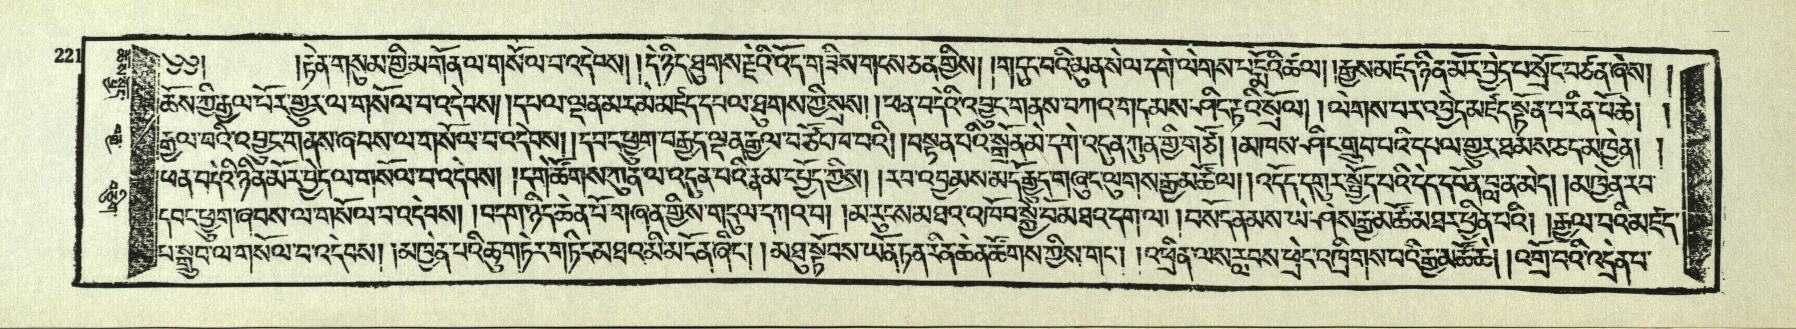༄༅། །རྟེན་གསུམ་གྱི་མགོན་ལ་གསོལ་བ་འདེབས། །དེ་ཉིད་ཐུགས་རྗེའི་འོད་གཟིས་གངས་ཅན་གྱིས། །གདུང་བའི་མུན་སེལ་དགེ་ལེགས་པདམོའི་ཚལ། །རྒྱས་མཛད་ཉིན་མོར་བྱེད་པ་སྲོང་བཙན་ཞེས། །
ཆོས་ཀྱི་རྒྱལ་པོར་གྱུར་ལ་གསོལ་བ་འདེབས། །དཔལ་ལྡན་མར་མེ་མཛད་དཔལ་ཐུགས་ཀྱི་སྲས། །ཕན་བདེའི་འབྱུང་གནས་བཀའ་གདམས་ཤིང་རྟའི་སྲོལ། །ལེགས་པར་འབྱེད་མཛད་སྟོན་པ་རིན་པོ་ཆེ། །
རྒྱལ་བའི་འབྱུང་གནས་ཞབས་ལ་གསོལ་བ་འདེབས། །དབང་ཕྱུག་བརྒྱད་ལྡན་རྒྱལ་བཙོང་ཁ་པའི། །བསྟན་པའི་སྒྲོན་མེ་དགེ་འདུན་ཀུན་གྱི་གཙོ། །མཁས་ཤིང་གྲུབ་པའི་དཔལ་གྱུར་ཐམས་ཅད་མཁྱེན། །
ཕན་བདེའི་ཉིན་མོར་བྱེད་ལ་གསོལ་བ་འདེབས། །དགེ་ཚོགས་ཀུན་ལ་འདུན་པའི་རྣམ་དཔྱོད་ཀྱིས། །རབ་འབྱམས་མདོ་རྒྱུད་གཞུང་ལུགས་རྒྱ་མཚོ་ལ། །འདོད་དགུར་སྤྱོད་པའི་དེད་དཔོན་བླ་ན་མེད། །མཁྱེན་རབ་
དབང་ཕྱུག་ཞབས་ལ་གསོལ་བ་འདེབས། །བདག་ཉིད་ཆེན་པོ་གཞན་གྱིས་གདུལ་དཀའ་བ། །མ་རུངས་མཐའ་འཁོབ་སྐྱེ་བོ་མཐའ་དག་ལ། །བསོད་ནམས་ཡེ་ཤེས་རྒྱ་མཚོ་མཐར་ཕྱིན་པའི། །རྒྱལ་བའི་མཛད་
པ་སྒྲུབ་ལ་གསོལ་བ་འདེབས། །མཁྱེན་པའི་ཆུ་གཏེར་གཏིང་མཐའ་མི་མངོན་ཞིང་། །མཐུ་སྟོབས་ཡོན་ཏན་རིན་ཆེན་ཚོགས་ཀྱིས་གང་། །འཕྲིན་ལས་རླབས་ཕྲེང་འཁྲིགས་པའི་རྒྱ་མཚོ་ཆེ། །འགྲོ་བའི་འདྲེན་པ་